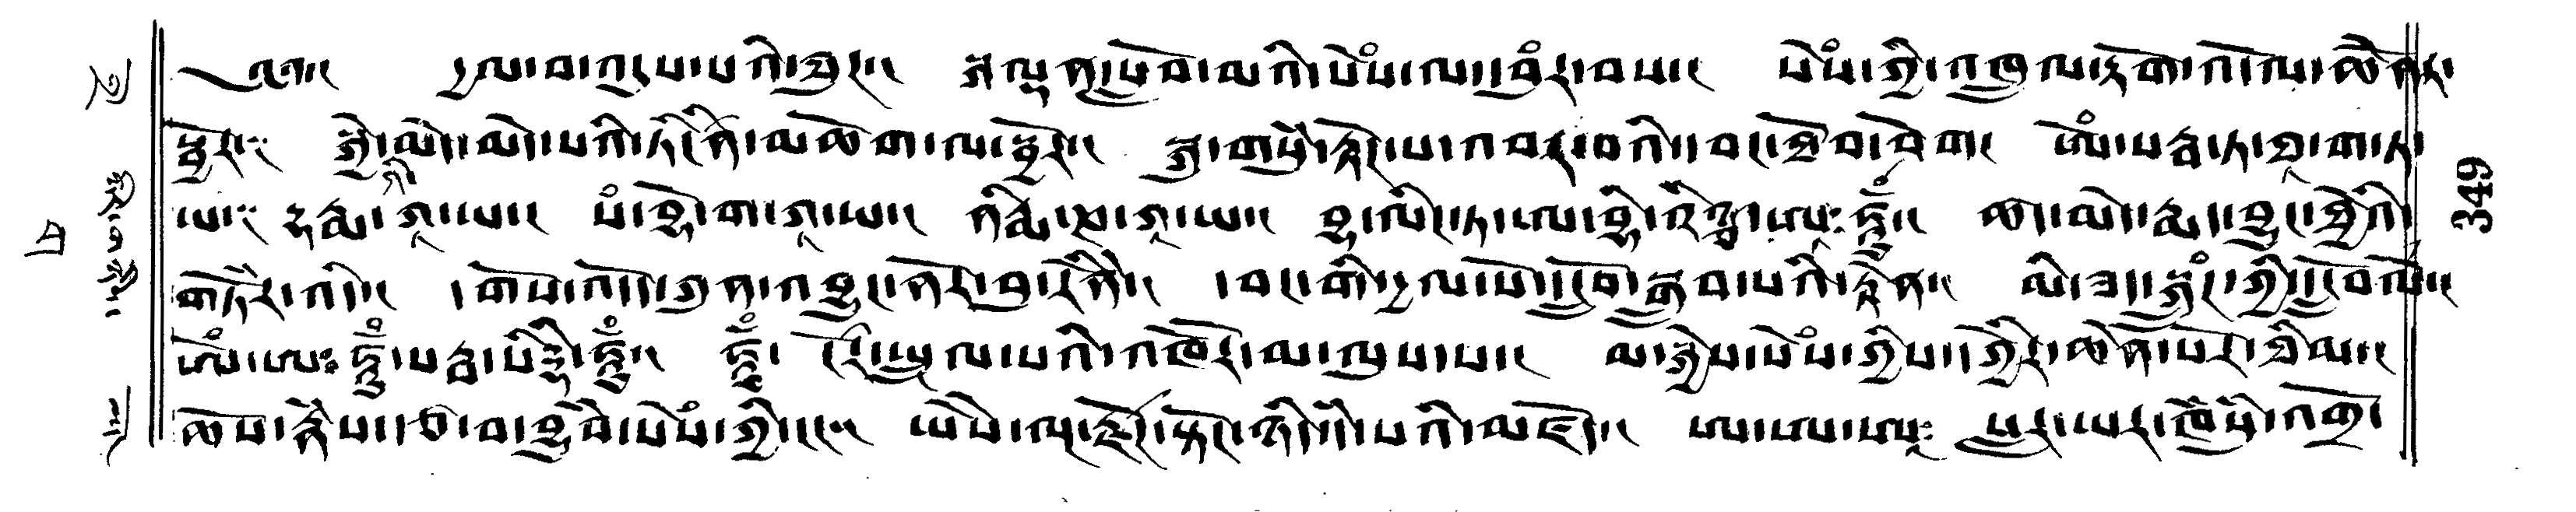རྒྱལ་བ་འདུས་པའི་ཐུགས། །སྐལ་ལྡན་སློབ་མའི་སེམས་ལ་དབང་བསྐུར་བས། །སེམས་ཀྱི་འཁྲུལ་རྟོག་འོད་གསལ་ཆེན་པོར་
སྦྱོར། །སྐྱེ་འཆི་མེད་པའི་ཏིང་འཛིན་མཆོག་ལ་སྦྱོར། །སྐུ་གསུམ་རྟོགས་པ་འབར་བའི་དབང་ཐོབ་ཤོག ཨོཾ་སརྦ་ཏ་ཐཱ་ག་ཏ་
ཡ། དྷརྨ་ཀཱ་ཡ། སཾ་བྷོ་ག་ཀཱ་ཡ། ནིརྨ་ཎ་ཀཱ་ཡ། བྷ་ལིང་ཏ་ཨ་བྷི་རིཉྩ་ཨ་ཧཱུྃ། ཚད་མེད་རྨད་བྱུང་ཐུགས་རྗེའི་
གཏོར་མ་འདི། །དགོས་འདོད་ཀུན་འབྱུང་ནོར་བུ་རིན་པོ་ཆེ། །དབང་གི་རྒྱལ་པོ་དངོས་གྲུབ་སྒྲུབ་པའི་རྟེན། །མི་ཟད་སྐུ་གསུང་ཐུགས་ཀྱི་དངོས་གྲུབ་སྩོལ། 
ཨོཾ་ཨཱསཿཧཱུྃ་སརྦ་སིདྡྷི་ཧཱུྃ། ཧཱུྃ། ངོ་མཚར་སྤྲུལ་པའི་འཁོར་ལོ་མ་ལུས་པ། །མ་སྐྱེས་སེམས་ཀྱི་དཀྱིལ་འཁོར་ཆེན་པོར་ཐིམ། །
ཆོས་རྣམས་རྩ་བ་བྱང་ཆུབ་སེམས་ཀྱི་ངང་། །ཡེ་ཤེས་ལྔ་རྫོགས་སྟོང་ཉིད་དམ་པའི་མཛོད། ཨ་ཨ་ཨཱཿ སླར་ཡང་ཁམས་གསུམ་འགྲོ་